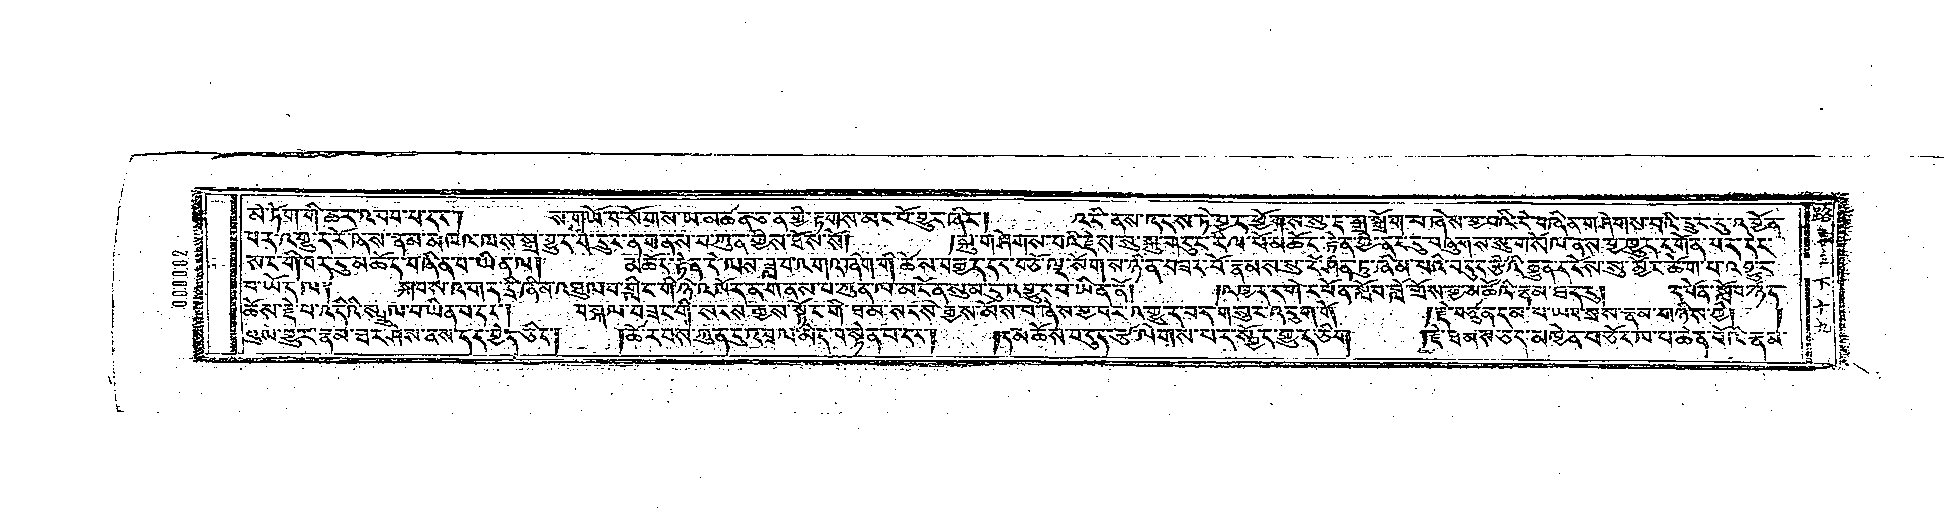མེ་ཏོག་གི་ཆར་འབབ་པ་དང་། ས་གཡོ་བ་སོགས་ཡ་མཚན་ཅན་གྱི་རྟགས་མང་པོ་བྱུང་ཞིང་། འདི་ནས་འདས་ཏེ་བྱང་ཕྱོགས་སུ་ཇ་སྒྲ་སྒྲོག་ས་ཞེས་བྱ་བའི་དེ་བཞིན་གཤེགས་པའི་དྲུང་དུ་འབྱོན་
པར་འགྱུར་རོ་ཞ་ས་ནམ་མཁའ་ལས་སྒྲ་བྱུང་བ་དྲུང་ན་གནས་པ་ཀུན་གྱིས་ཐོས་སོ། །སྐུ་གཤེགས་བའི་རྗེས་སུ་སྐུ་གདུང་རིལ་བོ་མཆོད་རྟེན་གྱི་ནང་དུ་པ་ཞུགས་སུ་གསོལ་ནས་བྱ་ཁྱུད་དགོན་པར་དང་
སང་གི་བར་དུ་མཆོད་བཞིན་པ་ཡིན་ལ། མཆོད་རྟེན་དེ་ལས་ཟླ་བ་འགའ་ཞིག་གི་ཚེས་བརྒྱད་དང་བཅོ་ལྔ་སོགས་ཉིན་བཟང་བོ་རྣམས་སུ་རོ་ཤིན་ཏུ་ཞིམ་པའི་བདུད་རྩིའི་རྒྱུན་དངོས་སུ་མྱོང་ཆོག་པ་འབྱུང་
བ་ཡོད་ལ༑ སྐབས་འགར་དྲི་ཞིམ་འཐུལ་བ་གླིང་གི་ཉེ་འཁོར་ན་གནས་པ་ཀུན་ལ་མངོན་སུམ་དུ་འབྱུང་བ་ཡིན་ནོ། །འཁྱར་དགེ་དཔོན་སློབ་བློ་གྲོས་རྒྱ་མཚོའི་རྣམ་ཐར་དུ། དཔོན་སློབ་ཉིད་
ཆོས་རྗེ་པ་འདིའི་སྤྲུལ་པ་ཡིན་པ་དང་། བསྐལ་བཟང་གི་སངས་རྒྱས་སྟོང་གི་ཐ་མ་སངས་རྒྱས་མོས་བ་ཞེས་བྱ་བར་འགྱུར་བར་གསུང་འདུག་གོ །རྗེ་བཙུན་དམ་པ་ཡབ་སྲས་རྣམ་གཉིས་ཀྱི། །
ཕུལ་བྱུང་རྣམ་ཐར་ཤེས་ནས་དད་བྱེད་ཅིང་། །ཚེ་རབས་ཀུན་དུ་འབྲལ་མེད་བསྟེན་པ་དང་། །དམ་ཆོས་བདུད་རྩ་ལེགས་པར་སྤྱོད་གྱུར་ཅིག །རྗེ་ཐམས་ཅད་མཁྱེན་པ་ཙོང་ཁ་པ་ཆེན་བོའི་རྣམ་